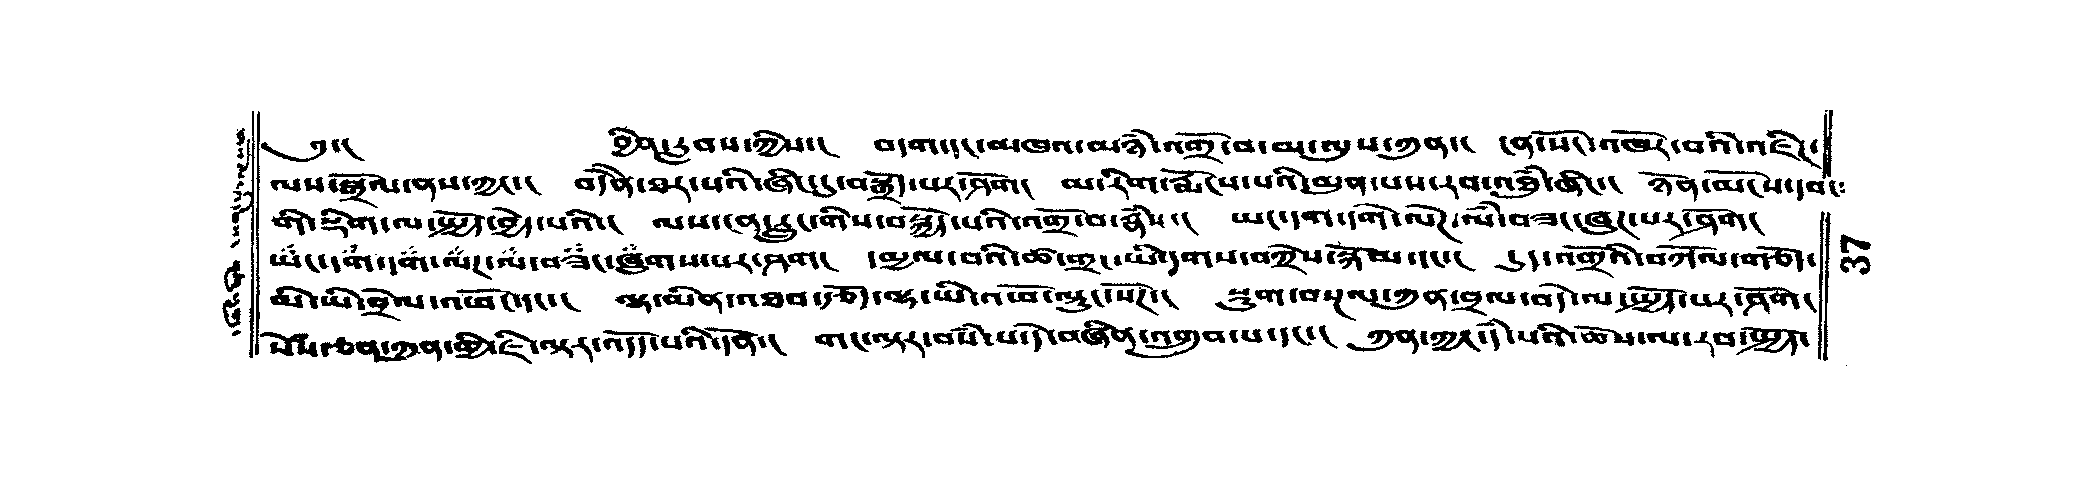བྱིན་རླབས་ཀྱིས། །བདག་དང་མཁའ་མཉམ་འགྲོ་བ་མ་ལུས་ཀུན། །ངན་སོང་འཁོར་བའི་འཇིགས་
ལས་སྒྲོལ་ནས་ཀྱང་། །བདེ་ཆེན་ཐར་པའི་ཞིང་དུ་བསྒྲོད་པར་ཤོག །མ་རིག་རྨོངས་པའི་མུན་པས་རབ་འཐུམ་ཞིང་། །ཉོན་མོངས་དབང་
གི་སྡིག་ལ་སྤྱོད་བྱེད་པའི། །ལས་ངན་རླུང་གིས་བསྐྱོད་པའི་འགྲོ་བ་རྣམས། །ཡང་དག་དགེ་ལེགས་ལམ་བཟང་ཞུགས་པར་ཤོག།
ཡང་དག་དགེ་ལེགས་ལམ་བཟང་ཞུགས་པར་ཤོག།དམྱལ་བའི་ཚ་གྲང་ཡི་དྭགས་བཀྲེས་སྐོམ་དང་། །དུད་འགྲོའི་བཀོལ་སྤྱོད་
མི་ཡི་བྲེལ་འཕོངས་དང་། །ལྷ་མིན་འཐབ་རྩོད་ལྷ་ཡི་འཕོ་ལྟུང་སོགས། །སྡུག་བསྔལ་ཀུན་བྲལ་བདེ་ལ་སྤྱོད་པར་ཤོག །
སེམས་ཅན་ཀུན་གྱི་ཇི་ལྟར་འདོད་པའི་དོན། །གང་ལྟར་བསམ་པ་དེ་བཞིན་འགྲུབ་པ་དང་། །ཀུན་ཀྱང་དམ་པའི་ཆོས་ལ་རབ་སྤྱོད་